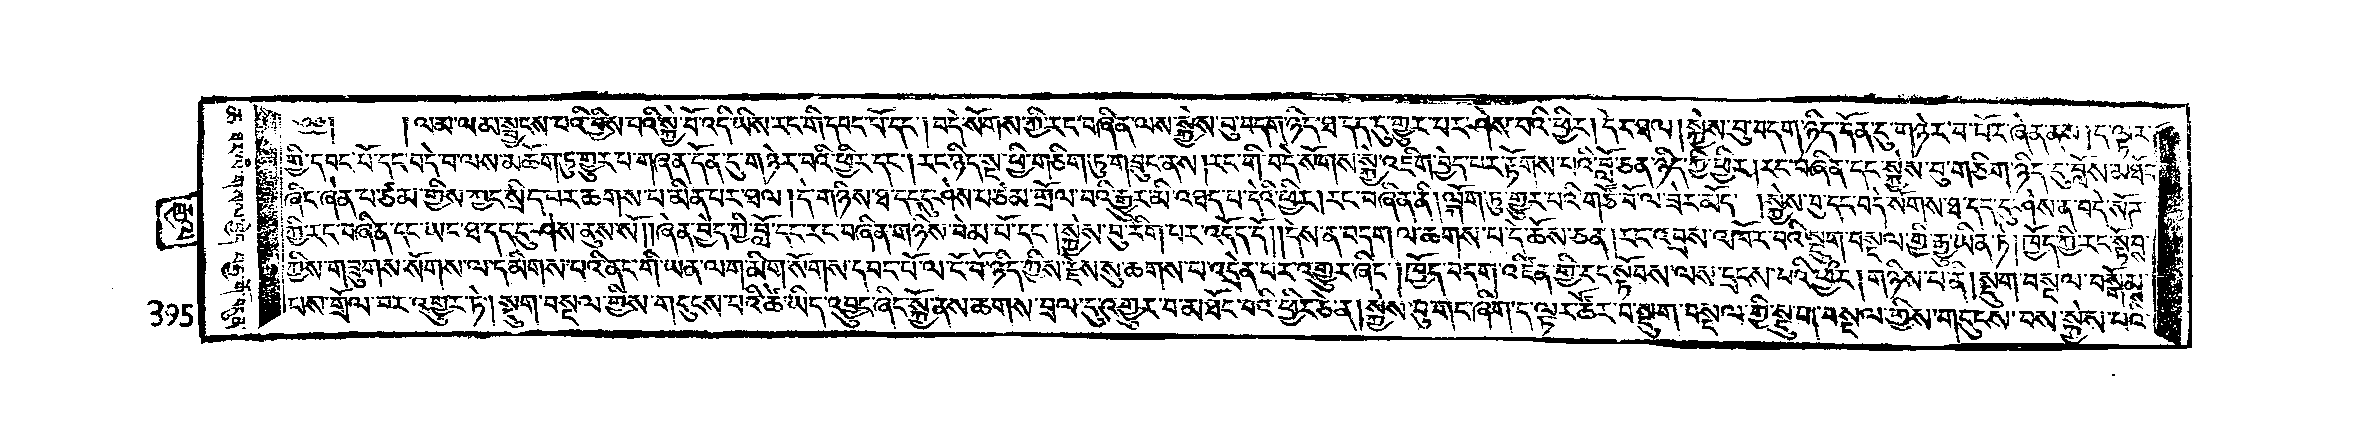༄༅། །ལམ་ལ་མ་སྦྱངས་པའི་བྱིས་པའི་སྐྱེ་བོ་འདི་ཡིས་རང་གི་དབང་པོ་དང་། བདེ་སོགས་ཀྱི་རང་བཞིན་ལས་སྐྱེས་བུ་བདག་ཉིད་ཐ་དད་དུ་གྱུར་པར་ཤེས་པའི་ཕྱིར། དེར་ཐལ། སྐྱེས་བུ་བདག་ཉིད་དོན་དུ་གཉེར་བ་པོར་ཞེན་ནས། ད་ལྟར་
གྱི་དབང་པོ་དང་བདེ་བ་ལས་མཆོག་ཏུ་གྱུར་པ་གཞན་དོན་དུ་གཉེར་བའི་ཕྱིར་དང་། རང་ཉིད་སྔ་ཕྱི་གཅིག་ཏུ་གཟུང་ནས། རང་གི་བདེ་སོགས་སྐྱེ་འཇིག་བྱེད་པར་རྟོགས་པའི་བློ་ཅན་ཉིད་ཀྱི་ཕྱིར། རང་བཞིན་དང་སྐྱེས་བུ་གཅིག་ཉིད་དུ་བློས་མཐོང་
ཞིང་ཞེན་པ་ཙམ་གྱིས་ཀྱང་སྲིད་པར་ཆགས་པ་མིན་པར་ཐལ། དེ་གཉིས་ཐ་དད་དུ་ཤེས་པ་ཙམ་གྲོལ་བའི་རྒྱུར་མི་འཐད་པ་དེའི་ཕྱིར། རང་བཞིན་ནི། ལྐོག་ཏུ་གྱུར་པའི་གཙོ་བོ་ལ་ཟེར་མོད། སྐྱེས་བུ་དང་བདེ་སོགས་ཐ་དད་དུ་ཤེས་ན་བདེ་སོགས་
ཀྱི་རང་བཞིན་དང་ཡང་ཐ་དང་དུ་ཤེས་ནུས་སོ། །ཞེན་བྱེད་ཀྱི་བློ་དང་རང་བཞིན་གཉིས་བེམ་པོ་དང་། སྐྱེས་བུ་རིག་པར་འདོད་དོ། །དེས་ན་བདག་ལ་ཆགས་པ་དེ་ཆོས་ཅན། རང་འབྲས་འཁོར་བའི་སྡུག་བསྔལ་གྱི་རྒྱུ་ཡིན་ཏེ། ཁྱོད་ཀྱི་རང་སྟོབས་
ཀྱིས་གཟུགས་སོགས་ལ་དམིགས་པའི་ནང་གི་ཡན་ལག་མིག་སོགས་དབང་པོ་ལ་ངོ་བོ་ཉིད་ཀྱིས་རྗེས་སུ་ཆགས་པ་འདྲེན་པར་འགྱུར་ཞིང་། ཁྱོད་བདག་འཛིན་གྱི་རང་སྟོབས་ལས་དྲངས་པའི་ཕྱིར། གཉིས་པ་ནི། སྡུག་བསྔལ་བསྒོམས་
པས་གྲོལ་བར་འགྱུར་ཏེ། སྡུག་བསྔལ་གྱིས་གདུངས་པའི་ཚེ་ཡིད་འབྱུང་ཞིང་སྐྱོ་ནས་ཆགས་བྲལ་དུ་འགྱུར་བ་མཐོང་བའི་ཕྱིར་ཅེ་ན། སྐྱེས་བུ་གང་ཞིག་ད་ལྟར་ཚོར་བ་སྡུག་བསྔལ་གྱི་སྡུག་བསྔལ་གྱིས་གདུངས་བས་སྐྱེས་པའི་